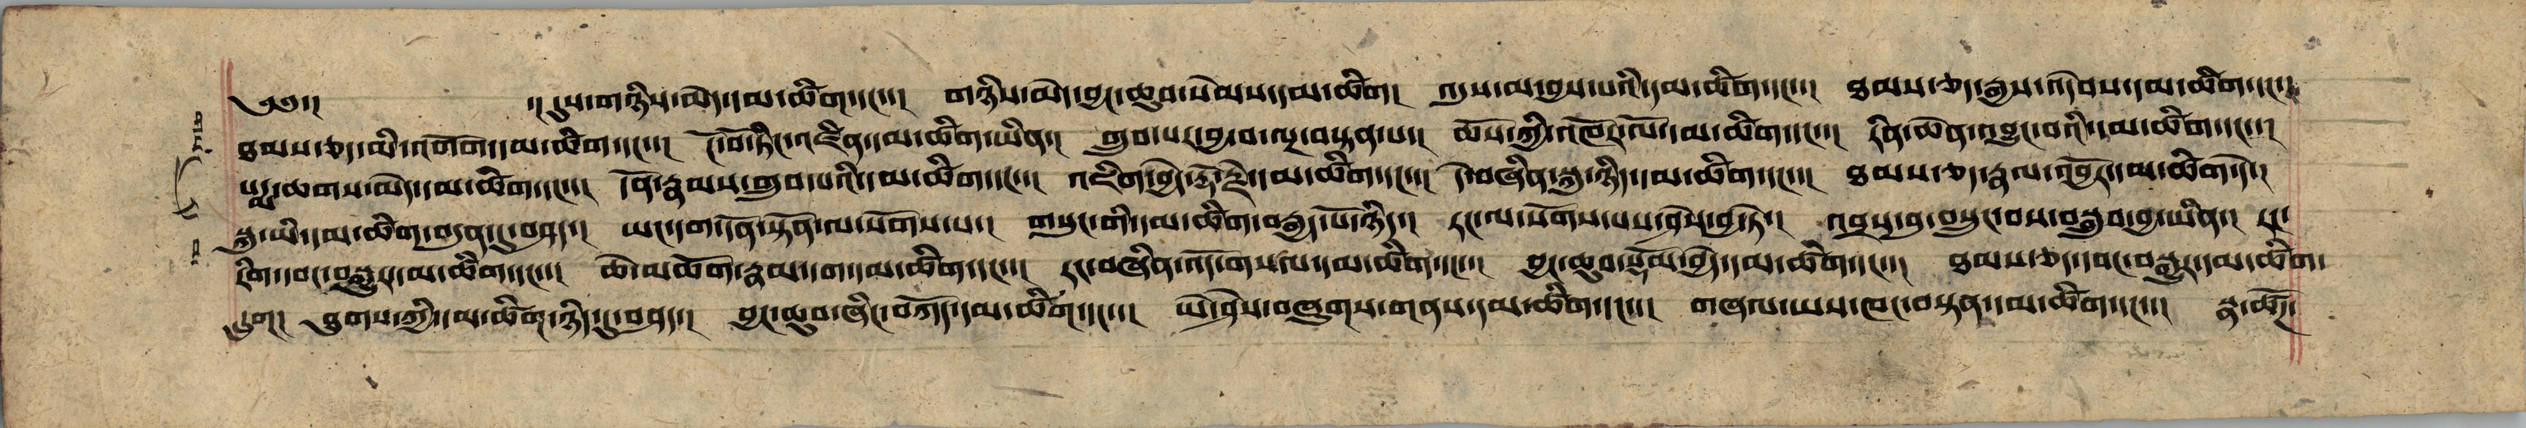༄༅་། ་།དུས་གཉིས་མེད་དམ་ཚིག་དང་་། གཉིས་མེད་བྱང་ཆུབ་སེམས་དམ་ཚིག། འདུས་མ་བྱས་པའི་དམ་ཚིག་དང་་། ཐམས་ཅད་རྒྱས་འདེབས་དམ་ཚིག་དང་།
ཐམས་ཅད་མི་འགོག་དམ་ཚིག་དང་་། ངོ་བོ་ཏིང་འཛིན་དམ་ཚིག་དང་་། གྲུབ་པར་བྱ་བ་ལྔ་བསྟན་པ་། ཆོས་ཀྱི་འཁོར་ལོ་དམ་ཚིག་དང་་། རིན་ཆེན་འབྱུང་བའི་དམ་ཚིག་དང་་།
པདྨ་ཆགས་མེད་དམ་ཚིག་དང་་། དོན་རྣམས་གྲུབ་པའི་དམ་ཚིག་དང་་། འཇིག་བྱེད་རྡོ་རྗེ་དམ་ཚིག་དང་་། དེ་བཞིན་སྐུ་ཉིད་དམ་ཚིག་དང་་། ཐམས་ཅད་རྣལ་འབྱོར་དམ་ཚིག་དེ་།
སྐུ་ཡི་དམ་ཚིག་བདུན་དུ་བཤད་། ཡང་དག་དོན་སྟོན་ལ་སོགས་པ་། གསུང་གི་དམ་ཚིག་བརྒྱད་པོ་ཉིད་། རང་ལ་སོགས་པས་ཤེས་བྱ་ཏེ་། འབྲས་བུ་བསྲུང་བས་བསྒྲུབ་བྱ་ཡིན་། རང་
རིག་དབང་བསྒྱུར་དམ་ཚིག་དང་་། ཆེ་མཆོག་རྣམ་དག་དམ་ཚིག་དང་་། རང་བཞིན་འདོ་གསལ་དམ་ཚིག་དང་་། བྱང་ཆུབ་སྡོམ་བྱེད་དམ་ཚིག་དང་་། ཐམས་ཅད་དབང་བསྒྱུར་དམ་ཚིག་
དྲུག། ཐུགས་ཀྱི་དམ་ཚིག་ཉིད་དུ་བཤད་། བྱང་ཆུབ་ཞིང་བཀོད་དམ་ཚིག་དང་་། ཡེ་ཤེས་བཞུགས་གནས་དམ་ཚིག་དང་་། གཞལ་ཡས་ཁང་བསྟན་དམ་ཚིག་དང་་། སྣ་ཚོཌ་